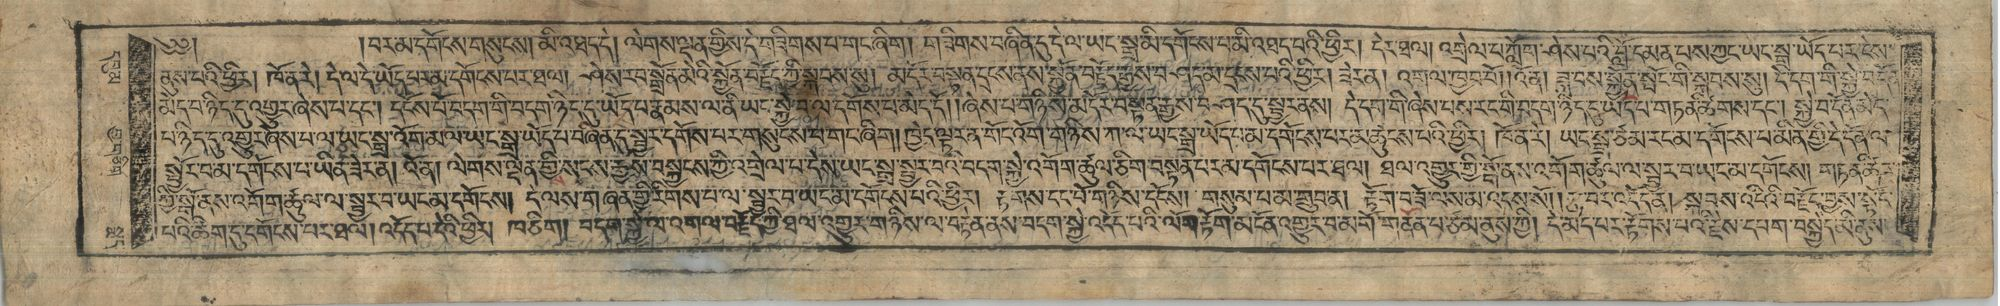༄༅། །བར་མ་དགོངས་གསུང་བ་མི་འཐད་དེ། ལེགས་ལྡན་གྱིས་དེ་གཟིགས་པ་གང་ཞིག །གཟིགས་བཞིན་དུ་དེ་ལ་ཡང་སྒྲ་མི་དགོངས་པ་མི་འཐད་པའི་ཕྱིར། དེར་ཐལ། འགྲེལ་པ་ཀློག་ཤེས་པའི་བློ་དམན་པས་ཀྱང་ཡང་སྒྲ་ཡོད་པར་ངེས་
ནུས་པའི་ཕྱིར། ཁོ་ན་རེ། དེ་ལ་དེ་ཡོད་པར་མ་དགོངས་པར་ཐལ། ཤེས་རབ་སྒྲོན་མེའི་སྐྱོན་བརྗོད་ཀྱི་སྐབས་སུ། མདོར་བསྟན་དྲངས་ནས་སྐྱོན་བརྗོད་རྒྱས་བཤད་མ་དྲངས་པའི་ཕྱིར། ཟེར་ན། འགལ་ཁྱབ་བོ། །འོ་ན། ཟླ་བས་སྐྱོན་སྤོང་གི་སྐབས་སུ། དེ་དག་གི་སྐྱེ་བ་དོན་
མེད་པ་ཉིད་དུ་འགྱུར་ཞེས་པ་དང་། དངོས་པོ་བདག་གི་བདག་ཉིད་དུ་ཡོད་པ་རྣམས་ནི་ཡང་སྐྱེ་བ་ལ་དགོས་པ་མེད་དོ། །ཞེས་པ་གཉིས་མདོར་བསྟན་རྒྱས་བཤད་དུ་སྦྱར་ནས། དེ་དག་གི་ཞེས་པས་རང་གི་བདག་ཉིད་དུ་ཡོད་པ་གཏན་ཚིགས་དང་། སྐྱེ་བ་དོན་མེད་
པ་ཉིད་དུ་འགྱུར་ཞེས་པ་ལ་ཡང་སྒྲ་འོག་མ་ལ་ཡང་སྒྲ་ཡོད་པ་བཞིན་དུ་སྦྱར་དགོས་པར་གསུངས་པ་གང་ཞིག །ཁྱེད་ལྟར་ན་གོང་འོག་གཉིས་ཀ་ལ་ཡང་སྒྲ་ཡོད་པ་མ་དགོངས་པར་མཚུངས་པའི་ཕྱིར། ཁོ་ན་རེ། ཡང་སྒྲ་ཙམ་རང་མ་དགོངས་པ་མིན་གྱི་དེ་དོན་ལ་
སྦྱོར་བ་མ་དགོངས་པ་ཡིན་ཟེར་ན། འོ་ན། ལེགས་ལྡན་གྱིས་སངས་རྒྱས་བསྐྱངས་ཀྱི་འགྲེལ་པ་དེས་ཡང་སྒྲ་སྦྱར་བའི་བདག་སྐྱེ་འགོག་ཚུལ་ཅིག་བསྟན་པར་མ་དགོངས་པར་ཐལ། ཐལ་འགྱུར་གྱི་སྒོ་ནས་འགོག་ཚུལ་ལ་སྦྱར་བ་ཡང་མ་དགོངས། གཏན་ཚིགས་
ཀྱི་སྒོ་ནས་འགོག་ཚུལ་ལ་སྦྱར་བ་ཡང་མ་དགོངས། དེ་ལས་གཞན་གྱི་རིགས་པ་ལ་སྦྱར་བ་ཡང་མ་དགོངས་པའི་ཕྱིར། རྟགས་དང་པོ་གཉིས་དངོས། གསུམ་པ་མ་གྲུབ་ན། རྟོག་བཟོ་ལས་མ་འདས་སོ། །རྩ་བར་འདོད་ན། སྐབས་འདིའི་བརྗོད་བྱས་སྟོང་
པའི་ཚིག་དུ་དགོངས་པར་ཐལ། འདོད་པ་དེའི་ཕྱིར། ཁ་ཅིག །བདག་སྐྱེ་ལ་འགལ་བརྗོད་ཀྱི་ཐལ་འགྱུར་གཉིས་ལ་བརྟེན་ནས་བདག་སྐྱེ་འདོད་པའི་ལོག་རྟོག་མངོན་འགྱུར་བ་མགོ་གནོན་པ་ཙམ་ནུས་ཀྱི། དེ་མེད་པར་རྟོགས་པའི་རྗེས་དཔག་བསྐྱེད་མི་ནུས་